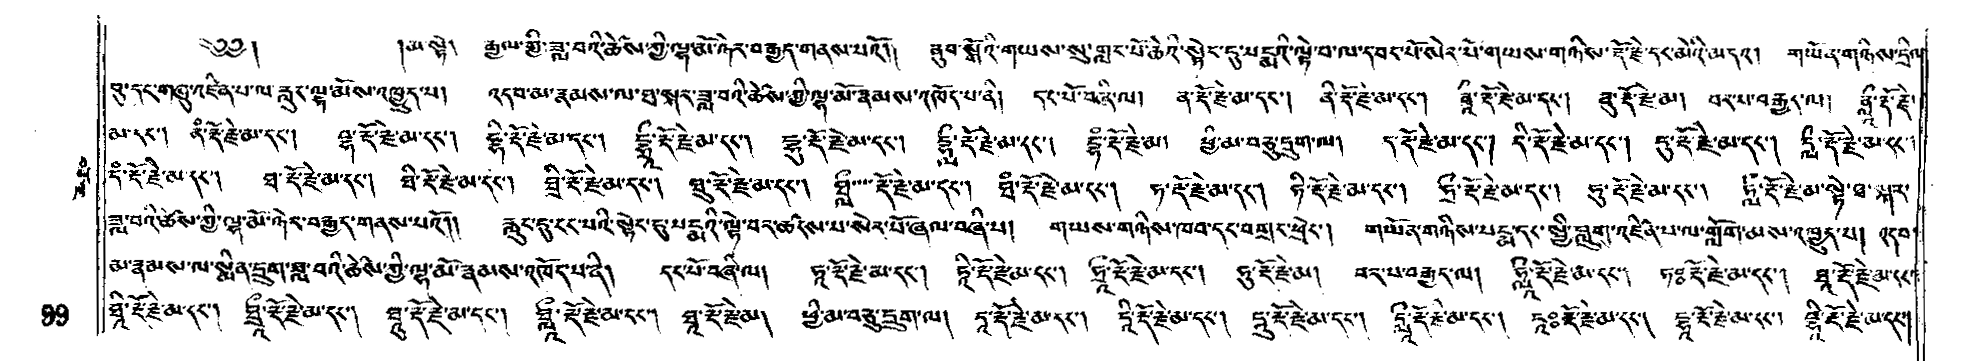༄༅། །མ་སྟེ། རྒྱལ་གྱི་ཟླ་བའི་ཚེས་ཀྱི་ལྷ་མོ་ཉེར་བརྒྱད་གནས་པའོ།། ནུབ་སྒོའི་གཡས་སུ་གླང་པོ་ཆེའི་སྟེང་དུ་པདམའི་ལྟེ་བ་ལ་དབང་པོ་སེར་པོ་གཡས་གཉིས་རྡོ་རྗེ་དང་མེའི་མདའ། གཡོན་གཉིས་དྲིལ་
བུ་དང་གཞུ་འཛིན་པ་ལ་རླུང་ལྷ་མོས་འཁྱུད་པ། འདབ་མ་རྣམས་ལ་ཐ་སྐར་ཟླ་བའི་ཚེས་ཀྱི་ལྷ་མོ་རྣམས་འཁོད་པ་ནི། དང་པོ་བཞི་ལ། ན་རྡོ་རྗེ་མ་དང་། ནི་རྡོ་རྗེ་མ་དང་། ཎཱྀ་རྡོ་རྗེ་མ་དང་། ནུ་རྡོ་རྗེ་མ། བར་པ་བརྒྱད་ལ། ནླཱྀ་རྡོ་རྗེ་
མ་དང་། ནཾ་རྡོ་རྗེ་མ་དང་། བྷ་རྡོ་རྗེ་མ་དང་། དྷི་རྡོ་རྗེ་མ་དང་། དྷྲཱྀ་རྡོ་རྗེ་མ་དང་། དྷུ་རྡོ་རྗེ་མ་དང་། དྷླྀ་རྡོ་རྗེ་མ་དང་། དྷཾ་རྡོ་རྗེ་མ། ཕྱི་མ་བཅུ་དྲུག་ལ། ད་རྡོ་རྗེ་མ་དང་། དི་རྡོ་རྗེ་མ་དང་། དུ་རྡོ་རྗེ་མ་དང་། དླྀ་རྡོ་རྗེ་མ་དང་།
དཾ་རྡོ་རྗེ་མ་དང་། ཐ་རྡོ་རྗེ་མ་དང་། ཐི་རྡོ་རྗེ་མ་དང་། ཐྲི་རྡོ་རྗེ་མ་དང་། ཐུ་རྡོ་རྗེ་མ་དང་། ཐླྀ་རྡོ་རྗེ་མ་དང་། ཐཾ་རྡོ་རྗེ་མ་དང་། ཏ་རྡོ་རྗེ་མ་དང་། ཏི་རྡོ་རྗེ་མ་དང་། ཏྲྀ་རྡོ་རྗེ་མ་དང་། ཏུ་རྡོ་རྗེ་མ་དང་། ཏླྀ་རྡོ་རྗེ་མ་སྟེ་ཐ་སྐར་
ཟླ་བའི་ཚེས་ཀྱི་ལྷ་མོ་ཉེར་བརྒྱད་གནས་པའོ།། རླུང་དུ་ངང་པའི་སྟེང་དུ་པདམའི་ལྟེ་བར་ཚངས་པ་སེར་པོ་ཞལ་བཞི་པ། གཡས་གཉིས་ཁབ་དང་བགྲང་ཕྲེང་། གཡོན་གཉིས་པདམ་དང་སྤྱི་བླུག་འཛིན་པ་ལ་གློག་མས་འཁྱུད་པ། འདབ་
མ་རྣམས་ལ་སྨིན་དྲུག་ཟླ་བའི་ཚེས་ཀྱི་ལྷ་མོ་རྣམས་འཁོད་པ་ནི། དང་པོ་བཞི་ལ། ཏཱ་རྡོ་རྗེ་མ་དང་། ཏཱི་རྡོ་རྗེ་མ་དང་། ཏྲཱྀ་རྡོ་རྗེ་མ་དང་། ཏུ་རྡོ་རྗེ་མ། བར་པ་བརྒྱད་ལ། ཏླཱྀ་རྡོ་རྗེ་མ་དང་། ཏཿ རྡོ་རྗེ་མ་དང་། ཐཱ་རྡོ་རྗེ་མ་དང་
ཐཱི་རྡོ་རྗེ་མ་དང་། ཐྲཱྀ་རྡོ་རྗེ་མ་དང་། ཐཱུ་རྡོ་རྗེ་མ་དང་། ཐླཱྀ་རྡོ་རྗེ་མ་དང་། ཐཱ་རྡོ་རྗེ་མ། ཕྱི་མ་བཅུ་དྲུག་ལ། དཱ་རྡོ་རྗེ་མ་དང་། དཱི་རྡོ་རྗེ་མ་དང་། དཱུ་རྡོ་རྗེ་མ་དང་། དླཱྀ་རྡོ་རྗེ་མ་དང་། དཱཿ རྡོ་རྗེ་མ་དང་། དྷཱ་རྡོ་རྗེ་མ་དང་། བྷཱི་རྡོ་རྗེ་མ་དང་།